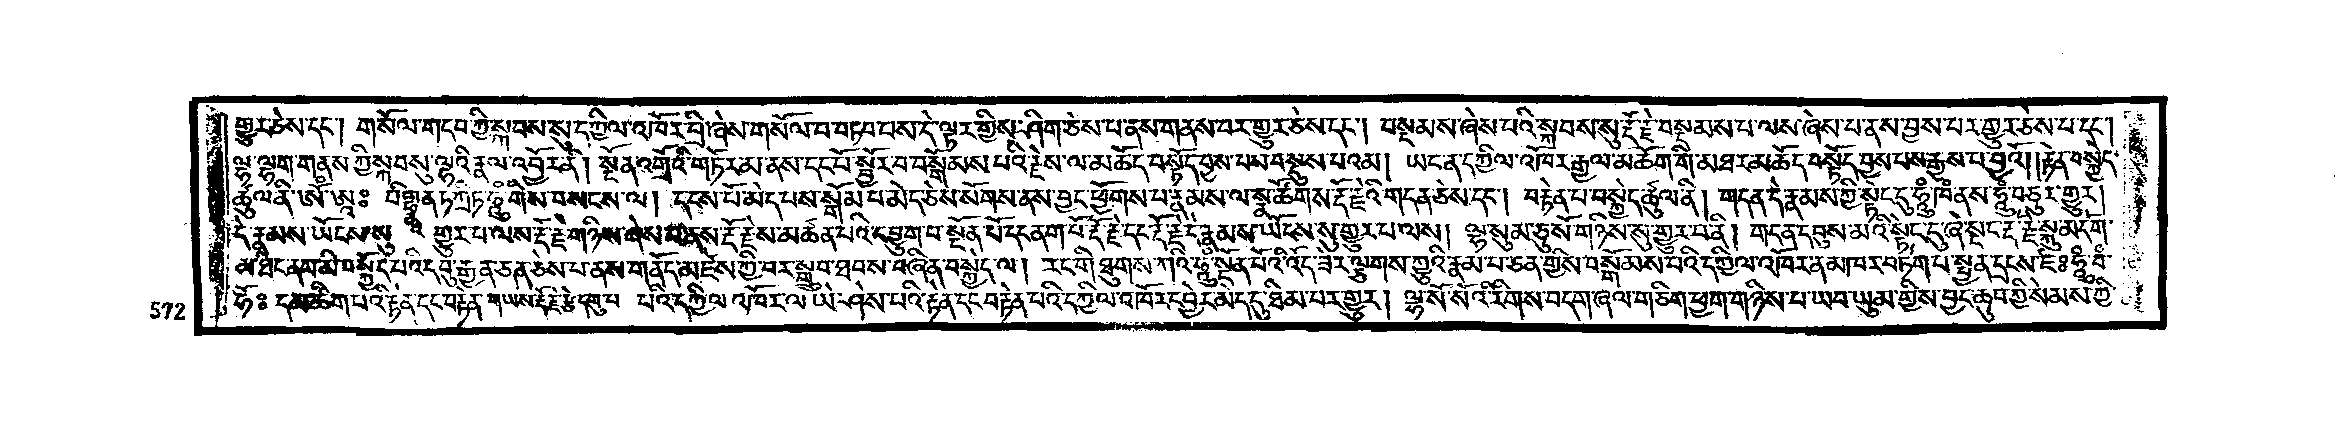གྱུར་ཅེས་དང་། གསོལ་གདབ་ཀྱི་སྐབས་སུ་དཀྱིལ་འཁོར་བྲི་ཞེས་གསོལ་བ་བཏབ་པས་དེ་ལྟར་གྱིས་ཤིག་ཅེས་པ་ནས་གནས་པར་གྱུར་ཅེས་དང་། བསྡམས་ཞེས་པའི་སྐབས་སུ་རྡོ་རྗེ་བསྡམས་པ་ལས་ཞེས་པ་ནས་བྱས་པར་གྱུར་ཅེས་པ་དང་།
ལྷ་ལྷག་གནས་ཀྱི་སྐབས་སུ་ལྷའི་རྣལ་འབྱོར་ནི། སྔན་འགྲོའི་གཏོར་མ་ནས་དང་པོ་སྦྱོར་བ་བསྒོམས་པའི་རྗེས་ལ་མཆོད་བསྟོད་བྱས་པས་བསྡུས་པའམ། ཡང་ན་དཀྱིལ་འཁོར་རྒྱལ་མཆོག་གི་མཐར་མཆོད་བསྟོད་བྱས་པས་རྒྱས་པ་བྱའོ། །རྟེན་བསྐྱེད་
ཚུལ་ནི་ཨོཾ་ཧཱཿ བི་གྷྲཱ་ན་ཏ་ཀྲིཏ་ཧཱུཾ་གིས་བསངས་ལ། དངས་པོ་མེད་པས་སྒོམ་པ་མེད་ཅེས་སོགས་ནས་བྱང་ཕྱོགས་པ་རྣམས་ལ་སྣ་ཚོགས་རྡོ་རྗེའི་གདན་ཅེས་དང་། བརྟེན་པ་བསྐྱེད་ཚུལ་ནི། གདན་དེ་རྣམས་ཀྱི་སྟོང་དུ་ཧཱུཾ་ཁཾ་ནས་ཧཱུཾ་བཅུར་གྱུར།
དེ་རྣམས་ཡོངས་སུའི་གྱུར་པ་ལས་རྡོ་རྗེ་གཉིས་ཞེས་པ་ནས་རྡོ་རྗེས་མཚན་པའི་དབྱུག་པ་སྔོན་པོ་དང་ནག་པོ་རྡོ་རྗེ་དང་རྡོ་རྗེ་དེ་རྣམས་ཡོངས་སུ་གྱུར་པ་ལས། ལྷ་སུམ་ཅུ་སོ་གཉིས་སུ་གྱུར་པ་ནི། གདན་དབུས་མའི་སྟེང་དུ་ཞེ་སྡང་རྡོ་རྗེ་སྐུ་མདོག་
མཐིང་ནག་མི་བསྐྱོད་པའི་དབུ་རྒྱན་ཅན་ཅེས་པ་ནས་གནོད་མཇེས་ཀྱི་བར་སྒྲུབ་ཐབས་བཞིན་བསྐྱེད་ལ། རང་གི་ཐུགས་ཀའི་ཧཱུཾ་སྔོན་པོའི་འོད་ཟེར་ལྕགས་ཀྱུའི་རྣམ་པ་ཅན་གྱིས་བསྒོམས་པའི་དཀྱིལ་འཁོར་ནམ་མཁར་བཏེག་པ་སྤྱན་དྲངས་ཛཿ ཧཱུཾ་བཾ་
ཧོཿ དམ་ཚིག་པའི་རྟེན་དང་བརྟེན་གཡས་རྡོ་རྗེ་རྩེ་དགུ་པ་པའི་དཀྱིལ་འཁོར་ལ་ཡེ་ཤེས་པའི་རྟེན་དང་བརྟེན་པའི་དཀྱིལ་འཁོར་དབྱེར་མེད་དུ་ཐིམ་པར་གྱུར། ལྷ་སོ་སོའི་རིགས་བདག་ཞལ་གཅིག་ཕྱག་གཉིས་པ་ཡབ་ཡུམ་གྱིས་བྱང་ཆུབ་ཀྱི་སེམས་ཀྱི་